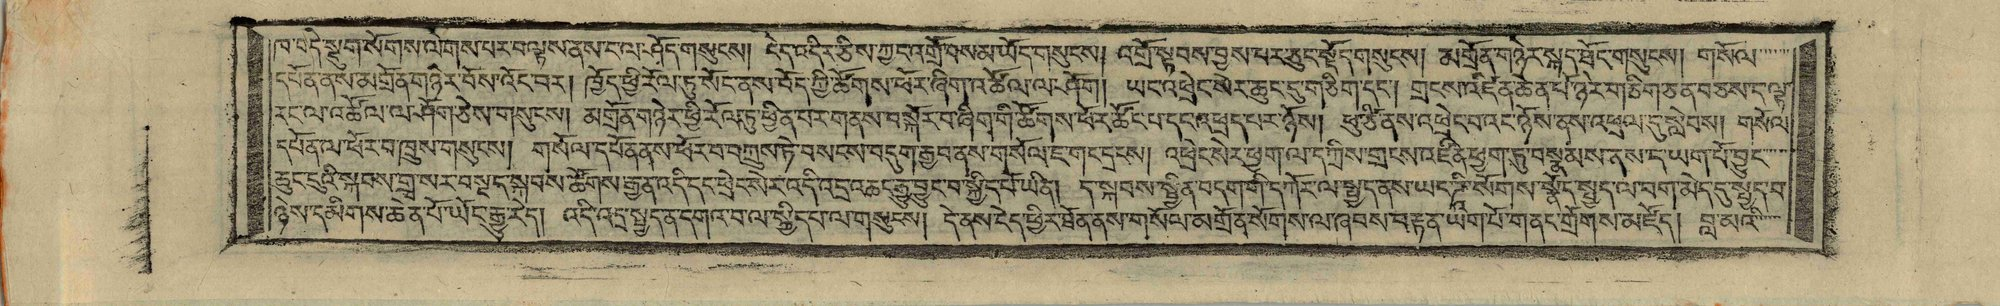ཁ་བདེ་སྡུག་སོགས་ལེགས་པར་བལྟས་ནས་ང་ལ་ཤོད་གསུངས། ངེད་འདིར་ཅིས་ཀྱང་འགྲོ་བསམ་ཡོད་གསུངས། འགྲོ་སྟབས་བྱས་པར་ཅུང་སྡོད་གསུངས། མགྲོན་གཉེར་སྐད་ཐོང་གསུངས། གསོལ་
དཔོན་ནས་མགྲོན་གཉེར་བོས་འོང་བར། ཁྱོད་ཕྱི་རོལ་ཏུ་སོང་ནས་བོད་ཀྱི་ཚོགས་ཕོར་ཞིག་འཚོལ་ལ་ཤོག །ཡང་འཕྲེང་སེར་ཆུང་དུ་གཅིག་དང་། གྲངས་འཛིན་ཆེན་པོ་ཉེར་གཅིག་ཅན་བཅས་ད་ལྟ་
རང་ལ་འཚོལ་ལ་ཤོག་ཅེས་གསུངས། མགྲོན་གཉེར་ཕྱི་རོལ་ཏུ་ཕྱིན་པར་གནས་བསྐོར་བ་ཞིག་གི་ཚོགས་ཕོར་ཚོང་པ་དང་འཕྲད་པར་ཉོས། ཕུ་ཙི་ནས་འཕྲེང་བ་འང་ཉོས་ནས་འཕྲལ་དུ་སླེབས། གསོལ་
དཔོན་ལ་ཕོར་བ་ཁྲུས་གསུངས། གསོལ་དཔོན་ནས་ཕོར་བ་བཀྲུས་ཏེ་བསངས་བདུག་རྒྱབ་ནས་གསོལ་ཇ་གང་དྲངས། འཕྲེང་སེར་ཕྱག་ལ་དཀྲིས་གྲངས་འཛིན་ཕྱག་ཏུ་བསྣམས་ནས་ད་ཡག་པོ་བྱུང་
ཆུང་ངུའི་སྐབས་གྲྭ་སར་བསྡད་སྐབས་ཚོགས་རྒྱན་འདི་དང་ཕྲེང་སེར་འདི་འདྲ་འཆང་རྒྱུ་བྱུང་བ་སྐྱིད་པོ་ཡིན། ད་སྐབས་སྦྱིན་བདག་གི་དཀོར་ལ་སྤྱད་ནས་ཡང་ཌཱི་སོགས་སྣོད་སྤྱད་ལ་བག་མེད་དུ་སྤྱད་པ་
ཉེས་དམིགས་ཆེན་པོ་ཡོང་རྒྱུ་རེད། འདི་འདྲ་སྤྱད་ན་དགའ་བ་ལ་སྐྱིད་པ་ལ་གསུངས། དེ་ནས་ངེད་ཕྱིར་ཐོན་ནས་གསོལ་མགྲོན་སོགས་ལ་ཞབས་བརྟན་ཡག་པོ་གནང་གྲོགས་མཛོད། བླ་མའི་